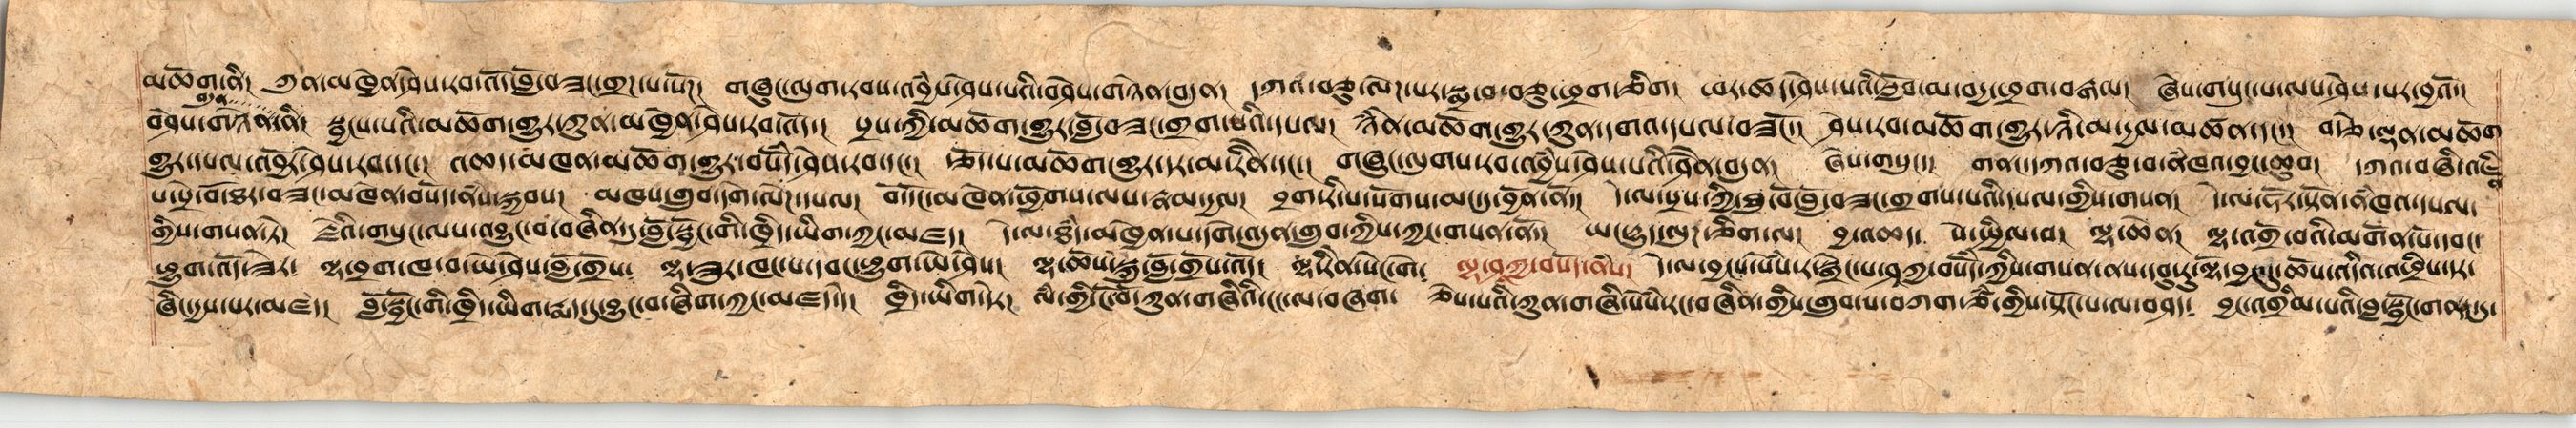མཆོག་ནི། ཀུན་མཁྱེན་ཤེས་རབ་འོད་བློ་བཟང་གྲཌ་པ་སོཌ། གཞུང་ལུག་རབས་འབྱཾས་ཤེས་པའི་བཤེས་གཉེན་བདུན། དཀའ་བཅུ་ལེཌ་པར་སྨྲ་བ་བཅུ་ཕྲག་ཅིག། ཕར་ཚད་ཤེས་པའི་སློབ་མ་བདྱ་ཕྲག་བརྒལ། ཞེས་གསུང་པ་ལས་ཤེས་པར་བྱའོ་།
བཤེས་གཉེན་ནི། སྦྱངས་པའི་མཆོག་གྱུར་ཀུན་མཁྱེན་ཤེས་རབ་འོད་། སྲས་ཀྱི་མཆོག་གྱུར་བློ་བཟང་གྲག་པའི་དཔལ། ཉེཾན་མཆོག་གྱུར་ཀུན་དགའ་དཔལ་བཟངོ། ཤེས་རབ་མཆོག་གྱུར་ཉི་མ་དྱལ་མཚན་དང་། བརྩེ་ལྡན་མཆོག
གྱུར་དཔལ་འབྱོར་ཤེས་རབ་དང་། འཆད་མཁན་མཆོག་གྱུར་བསོཾད་ཤེས་རབ་དང་། རྩོད་པ་མཆོག་གྱུར་དར་མ་རིནེ་དང་། གཞུང་ལུགས་རབ་འབྱཾས་ཤེས་པའི་བཤཻན་བདུན། ཞེས་གསུང་། གནང་དཀའ་བཅུ་བ་ནཾཁའ་བྱང་ཆུབ། དཀའ་བཞི་འཛིན་
པ་སྲེ་བོ་ཐར་བཟང་མཁེན་བསོད་ནཾས་སྐྱབས། མཁས་གྲུབ་དགེ་ལེཌ་དཔལ། བོ་དོང་ཕྱོགས་ལས་རྣམ་དྱལ། བྲག་རི་པ་སོགས་མང་དུ་བྱོན་ནོ། དེ་ལ་སྲས་ཀྱི་ཐུ་བོ་བློ་བཟང་གྲགས་པའི་དཔལ་གྱིས་གསན། དེ་ལ་ཧོར་སྟོན་ནཾཁའ་དཔལ་
གྱིས་གསན་ཏེ། དེའི་གསུང་ལས་འབྱུང་བ་བཞིན་དུ་བློ་སྦྱོང་ཁྲིད་ཡིག་ཀྱང་མཛད། དེ་ལ་ཐཾད་མཁྱེན་པ་དགེ་འདུན་གྲུབ་ཀྱིས་ཀྱང་གསན་ནོ། ཡང་དྱུད་ལུཌ་ཅིག་ལ། བྱ་འཆད་ སེ་སྤྱིལ་བ། ལྷ་ཆེན། ལྷ་འགྲོ་བའི་མགོན་པོ་དབང་
ཕྱུག་འོད་ཟེར༴ ལྷ་བྲག་ཁ་བ་ཡེ་ཤེས་བློ་གྲོས༴ ལྷ་ཟུར་ཁང་པ་དབང་ཕྱུག་ཡེ་ཤེས། ལྷ་ཆོས་སྐུ་བློ་གྲོས་འོད། ལྷ་རིེན་སེང་གེ། ལྷ་ཤཱཀྱ་བསོད་ནཾས། དེ་ལ་བྱང་སེཾས་ར་སྒྲེང་པ་ཤཱཀྱ་བསོདཾ་ཀྱིས་གསན་ནས་དབུ་རུ་ལྷོ་བྱང་དུ་ཆོས་འདིའི་འཕྲིས་དར་
ཞིང་དྱས་པར་མཛད། བློ་སྦྱོང་གི་ཁྲིད་ཡིག་རྨད་དུ་བྱུང་བ་ཞིག་མཛད། ཁྲིད་ཡིག་དེར། ལཾ་གྱི་ངོ་བོ་ཀུན་གཞིའི་ངང་ལ་བཞད། ཅེས་པའི་ཀུན་གཞི་སེཾས་རང་བཞིན་གྱིས་གྲུབ་པ་བཀག་ཙཾ་གྱིས་སྟོང་པ་ལ་བཤད༴ བྱང་འགྲིམ་པའི་བླ་སྦྱོང་གནང་དུ་